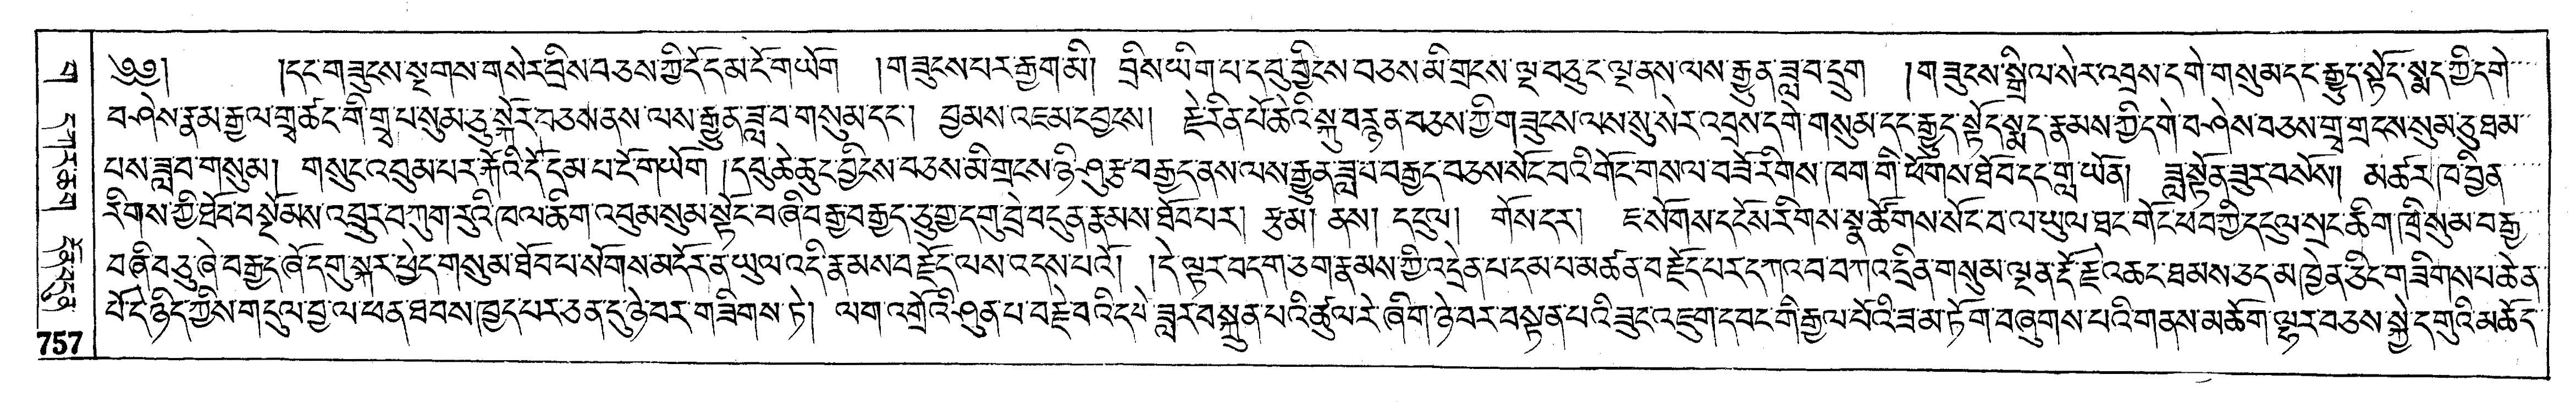༄༅། །དང་གཟུངས་སྔགས་གསེར་བྲིས་བཅས་ཀྱི་དོ་དམ་ངོ་གཡོག །གཟུངས་པར་རྒྱག་མི། བྲིས་ཡིག་པ་དབུ་བྱིངས་བཅས་མི་གྲངས་ལྔ་བཅུ་ད་ལྔ་ནས་ལས་རྒྱུན་ཟླ་བ་དྲུག །གཟུངས་སྒྲིལ་སེར་འབྲས་དགེ་གསུམ་དང་རྒྱུད་སྟོད་སྨད་ཀྱི་དགེ་
བཤེས་རྣམ་རྒྱལ་གྲྭ་ཚང་གི་གྲྭ་པ་སུམ་ཅུ་སྐོར་བཅས་ནས་ལས་རྒྱུན་ཟླ་བ་གསུམ་དང་། བྱམས་འཇམ་དབྱངས། རྗེ་རིན་པོ་ཆེའི་སྐུ་བརྙན་བཅས་ཀྱི་གཟུངས་ལས་སུ་སེར་འབྲས་དགེ་གསུམ་དང་རྒྱུད་སྟོད་སྨད་རྣམས་ཀྱི་དགེ་བཤེས་བཅས་གྲྭ་གྲངས་སུམ་ཅུ་ཐམ་
པས་ཟླ་བ་གསུམ། གསུང་འབུམ་པར་རྐོའི་དོ་དམ་པ་དོ་གཡོག །དབུ་ཆེ་ཆུང་བྱིངས་བཅས་མི་གྲངས་ཉི་ཤུ་རྩ་བརྒྱད་ནས་ལས་རྒྱུན་ཟླ་བ་བརྒྱད་བཅས་སོང་བའི་གོང་གསལ་བཟོ་རིགས་ཁག་གི་ཕོགས་ཐོབ་དང་གླ་ཡོན། ཟླ་སྟོན་ཟུར་བསོས། མཚར་ཁ་བྱིན་
རིགས་ཀྱི་ཐོབ་བསྡོམས་འབྲུར་བཀུག་རུའི་ཁལ་ཆིག་འབུམ་སུམ་སྟོང་བཞི་བརྒྱ་བརྒྱད་ཅུ་གྱ་དགུ་བྲེ་བདུན་རྣམས་ཐོབ་པར། རྩམ། ནས། དངུལ། གོས་དར། ཇ་སོགས་དངོས་རིགས་སྣ་ཚོགས་སོང་བ་ལ་ཡུལ་ཐང་གོང་ཕབ་ཀྱི་དངུལ་སྲང་ཆིག་ཁྲི་སུམ་བརྒྱ་
བཞི་བཅུ་ཞེ་བརྒྱད་ཞོ་དགུ་སྐར་ཕྱེད་གསུམ་ཐོབ་པ་སོགས་མདོར་ན་ཡུལ་འདི་རྣམས་བརྗོད་ལས་འདས་པའོ། །དེ་ལྟར་བདག་ཅག་རྣམས་ཀྱི་འདྲེན་པ་དམ་པ་མཚན་བརྗོད་པར་དཀའ་བ་བཀའ་དྲིན་གསུམ་ལྡན་རྡོ་རྗེ་འཆང་ཐམས་ཅད་མཁྱེན་ཅིང་གཟིགས་པ་ཆེན་
པོ་དེ་ཉིད་ཀྱིས་གདུལ་བྱ་ལ་ཕན་ཐབས་ཁྱད་པར་ཅན་དུ་ཉེ་བར་གཟིགས་ཏེ། ལག་འགྲོའི་ཤུན་པ་བརྗེ་བའི་དཔེ་ཟླར་བསྒྲུན་པའི་ཚུལ་རེ་ཞིག་ཉེ་བར་བསྟན་པའི་ཟུད་འཇུག་དབང་གི་རྒྱལ་པོའི་ཟ་མ་ཏོག་བཞུགས་པའི་གནས་མཆོག་ལྷར་བཅས་སྐྱེ་དགུའི་མཆོད་